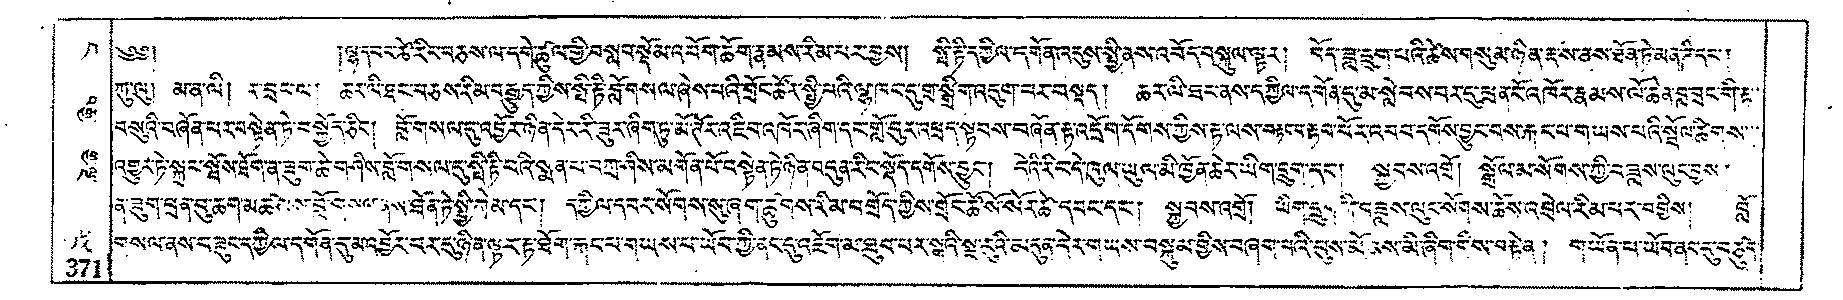༄༅། །ལྷ་དབང་ཚེ་རིང་བཅས་ལ་དགེ་ཚུལ་གྱི་བསླབ་སྡོམ་འབོག་ཆོག་རྣམས་རིམ་པར་བྱས། སྤི་རྟི་དཀྱིལ་དགོན་འདུས་སྤྱི་ནས་འབོད་བསྐུལ་ལྟར། བོད་ཟླ་དྲུག་པའི་ཚེས་གསུམ་ཉིན་རྡ་ས་ནས་ཐོན་ཏེ་མན་ཌི་དང་།
ཀུ་ལུ། མ་ན་ལི། ར་བྲང་ལ། ཆར་ལི་ཐིང་བཅས་རིམ་བརྒྱུད་ཀྱིས་སྦི་རྟི་བློ་གསལ་ཞེས་པའི་གྲོལ་ཚོར་སྤྱི་པའི་ལྷ་ཁང་དུ་གྲ་སྒྲིག་འདུག་པར་བསྡད། ཆར་ལི་ཐང་ནས་དཀྱིལ་དགོན་དུ་མ་སླེབས་བར་དུ་ཕྲན་ངོ་འཁོར་རྣམས་ལོ་ཆེན་བླ་བྲང་གི་རྟ་
བསུའི་བཞོན་པར་བསྟེན་ཏེ་བསྐྱོད་ཅིང་། བློ་གསལ་དུ་འབྱོར་ཉིན་དེར་རི་ཟུར་ཞིག་ཏུ་མོ་ཊོར་འཇིབ་འཁོར་ཞིག་དང་གློ་བུར་འཕྲད་སྟབས་བཞོན་རྟ་འདྲོག་དོགས་ཀྱིས་རྟ་ལས་བརྟབ་བརྟབ་པོར་འབབ་དགོས་བྱུང་བས་རྐང་པ་གཡས་པའི་སྦོལ་ཚིགས་
འགྱུར་ཏེ་སྐྲང་སྦོས་ཐོག་ན་ཟུག་ཆེ་གཤིས་བློ་གསལ་དུ་སྤི་རྟི་བའི་སྨན་པ་བཀྲ་ཤིས་མགོན་པོ་བསྟེན་ཏེ་ཉིན་བདུན་རིང་སྡོད་དགོས་བྱུང་། དེའི་རིང་དེ་ཁུལ་ཡུལ་མི་ཁྱོན་ཆེར་ཡིག་དྲུག་དང་། སྐྱབས་འགྲོ། སྒྲོལ་མ་སོགས་ཀྱི་བཟླས་ལུང་བྱས།
ན་ཟུག་ཕྲན་བུ་ཆག་མཚམས་བློ་གསལ་ནས་ཐོན་ཏེ་སྤྱི་ཀེམ་དང་། དཀྱིལ་དབར་སོགས་སུ་ཞག་ཚུགས་རིམ་བགྲོད་ཀྱིས་གྲོང་ཚོ་སོ་སོར་ཚེ་དབང་དང་། སྐྱབས་འགྲོ། ཡིག་དྲུག་གི་བཟླས་ལུང་སོགས་ཆོས་འབྲེལ་རིམ་པར་བགྱིས། བློ་
གསལ་ནས་བཟུང་དཀྱིལ་དགོན་དུ་མ་འབྱོར་བར་དུ་ཉིན་ལྟར་རྟ་ཐོག་རྐང་པ་གཡས་པ་ཡོབ་ཀྱི་ནང་དུ་འཇོག་མ་ཐུབ་པར་སྒའི་སྔ་རུའི་མདུན་དེར་གཡས་བསྐུམ་གྱིས་བཞག་པའི་པུས་མོ་ནས་མི་ཞིག་གིས་བརྟེན། གཡོན་པ་ཡོབ་ནང་དུ་བཙུད་